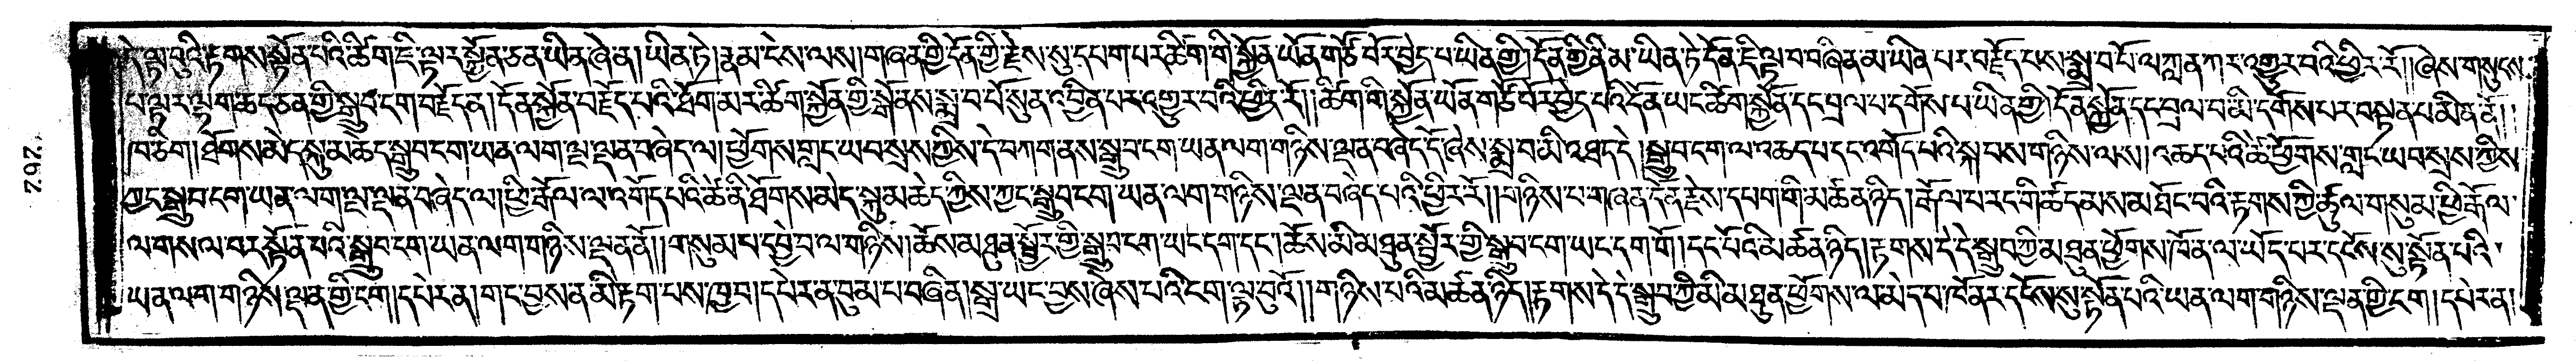དེ་ལྟ་བུའི་རྟགས་སྟོན་པའི་ཚིག་ཇི་ལྟར་སྐྱོན་ཅན་ཡིན་ཞེ་ན། ཡིན་ཏེ། རྣམ་ངེས་ལས། གཞན་གྱི་དོན་གྱི་རྗེས་སུ་དཔག་པར་ཚིག་གི་སྐྱོན་ཡོན་གཙོ་བོར་བྱེད་པ་ཡིན་གྱི། དོན་གྱི་ནི་མ་ཡིན་ཏེ་དོན་ཇི་ལྟ་བ་བཞིན་མ་ཡིན་པར་བརྗོད་པས་སྨྲ་བ་པོ་ལ་ཀླན་ཀར་འགྱུར་བའི་ཕྱིར་རོ། །ཞེས་གསུངས་
པ་ལྟར་ལྷག་ཆད་ཅན་གྱི་སྒྲུབ་ངག་བརྗོད་ན། དོན་སྐྱོན་བརྗོད་པའི་ཐོག་མར་ཚིག་སྐྱོན་གྱི་སྒོ་ནས་སྨྲ་བ་པོ་སུན་འབྱིན་པར་འགྱུར་བའི་ཕྱིར་རོ། །ཚིག་གི་སྐྱོན་ཡོན་གཙོ་བོར་བྱེད་པའི་དོན་ཡང་ཚིག་སྐྱོན་དང་བྲལ་བ་དགོས་པ་ཡིན་གྱི། དོན་སྐྱོན་དང་བྲལ་བ་མི་དགོས་པར་བསྟན་པ་མིན་ནོ། །
ཁ་ཅིག །ཐོགས་མེད་སྐུ་མཆེད་སྒྲུབ་ངག་ཡན་ལག་ལྔ་ལྡན་བཞེད་ལ། ཕྱོགས་གླང་ཡབ་སྲས་ཀྱིས་དེ་བཀག་ནས་སྒྲུབ་ངག་ཡན་ལག་གཉིས་ལྡན་བཞེད་དོ་ཞེས་སྨྲ་བ་མི་འཐད་དེ། སྒྲུབ་ངག་ལ་འཆད་པ་དང་འགོད་པའི་སྐབས་གཉིས་ལས། འཆད་པའི་ཚེ་ཕྱོགས་གླང་ཡབ་སྲས་ཀྱིས་
ཀྱང་སྒྲུབ་ངག་ཡན་ལག་ལྔ་ལྡན་བཞེད་ལ། ཕྱི་རྒོལ་ལ་འགོད་པའི་ཚེ་ནི་ཐོགས་མེད་སྐུ་མཆེད་ཀྱིས་ཀྱང་སྒྲུབ་ངག་ཡན་ལག་གཉིས་ལྡན་བཞེད་པའི་ཕྱིར་རོ། །གཉིས་པ་གཞན་དོན་རྗེས་དཔག་གི་མཚན་ཉིད། རྒོལ་བ་རང་གི་ཚད་མས་མཐོང་བའི་རྟགས་ཀྱི་ཚུལ་གསུམ་ཕྱི་རྒོལ་
ལ་གསལ་བར་སྟོན་པའི་སྒྲུབ་ངག་ཡན་ལག་གཉིས་ལྡན་ནོ། །གསུམ་པ་དབྱེ་བ་ལ་གཉིས། ཆོས་མཐུན་སྦྱོར་གྱི་སྒྲུབ་ངག་ཡང་དག་དང་། ཆོས་མི་མཐུན་སྦྱོར་གྱི་སྒྲུབ་ངག་ཡང་དག་གོ །དང་པོའི་མཚན་ཉིད། རྟགས་དེ་དེ་སྒྲུབ་ཀྱི་མཐུན་ཕྱོགས་ཁོ་ན་ལ་ཡོད་པར་དངོས་སུ་སྟོན་པའི་
ཡན་ལག་གཉིས་ལྡན་གྱི་ངག །དཔེར་ན། གང་བྱས་ན་མི་རྟག་པས་ཁྱབ། དཔེར་ན་བུམ་པ་བཞིན། སྒྲ་ཡང་བྱས་ཞེས་པའི་ངག་ལྟ་བུའོ། །གཉིས་པའི་མཚན་ཉིད། རྟགས་དེ་དེ་སྒྲུབ་ཀྱི་མི་མཐུན་ཕྱོགས་ལ་མེད་པ་ཁོ་ནར་དངོས་སུ་སྟོན་པའི་ཡན་ལག་གཉིས་ལྡན་གྱི་ངག །དཔེར་ན།